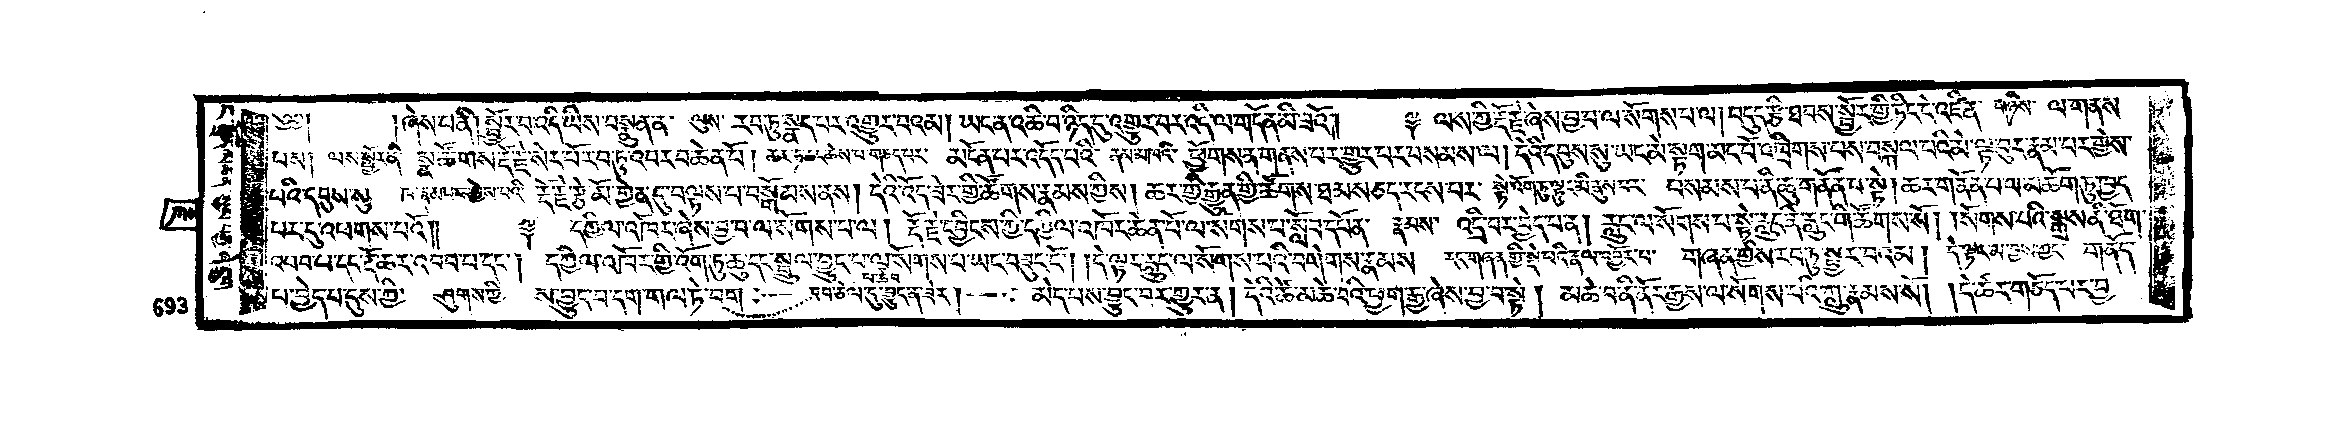༄༅། །ཞེས་པ་ནི། སྦྱོར་བ་འདི་ཡིས་བསྣུན་ན་ལུས་རབ་ཏུ་སྣད་པར་འགྱུར་བའམ། ཡང་ན་འཆི་བ་ཉིད་དུ་འགྱུར་བར་འདི་ལ་གདོན་མི་ཟའོ།། ༈ ལས་ཀྱི་རྡོ་རྗེ་ཞེས་བྱ་བ་ལ་སོགས་པ་ལ། བདུད་རྩི་ཐབས་སྦྱོར་གྱི་ཏིང་ངེ་འཛིན་གཉིས་ལ་གནས་
པས། ལས་སྦྱོར་ནི་སྣ་ཚོགས་རྡོ་རྗེ་སེར་པོ་རབ་ཏུ་འབར་བ་ཆེན་པོ། ཆར་ཧ་ཅང་ཆེས་པ་གཅད་པར་མངོན་པར་འདོད་པའི་ནམ་མཁའི་ཕྱོགས་ན་གནས་པར་གྱུར་པར་བསམས་ལ། དེའི་དབུས་སུ་ཡང་མེ་སྟག་མང་པོ་འཁྲིགས་པས་བསྐལ་པའི་མེ་ལྟ་བུར་རྣམ་པར་གྱིས་
པའི་དབུས་སུ་ཁ་རྣམ་པར་དགྱེས་པའི་རྡོ་རྗེ་རྩེ་མོ་གྱེན་དུ་བལྟས་པ་བསྒོམས་ནས། དེའི་འོད་ཟེར་གྱི་ཚོགས་རྣམས་ཀྱིས། ཆར་གྱི་རྒྱུན་གྱི་ཚོགས་ཐམས་ཅད་རངས་པར་སྟེ་འོག་ཏུ་ལྟུང་མི་ནུས་པར་བསམས་པ་ནི་ཆུ་གནོན་པ་སྟེ། ཆར་གནོན་པ་ལ་མཆོག་ཏུ་ཁྱད་
པར་དུ་འཕགས་པའོ།། ༈ དཀྱིལ་འཁོར་ཞེས་བྱ་བ་ལ་སོགས་པ་ལ། རྡོ་རྗེ་དབྱིངས་ཀྱི་དཀྱིལ་འཁོར་ཆེན་པོ་ལ་སོགས་པ་སློབ་དཔོན་རྣམས་འདྲི་བར་བྱེད་པ་ན། རླུང་ལ་སོགས་པ་སྟེ་རླུང་ནི་རླུང་གི་ཚོགས་སོ། །སོགས་པའི་སྒྲས་ནི་ཐོག་
འབབ་པ་དང་རྡོ་ཆར་འབབ་པ་དང་། དཀྱིལ་འཁོར་གྱི་འོག་ཏུ་ཆུ་དང་སྦྲུལ་བྱུང་པ་ལ་སོགས་པ་ཡང་བཟུང་ངོ། །དེ་ལྟར་རླུང་ལ་སོགས་པའི་བགེགས་རྣམས་རང་གཞན་གྱི་སྡེ་པའི་རྣལ་འབྱོར་པ་གཞན་གྱིས་རབ་ཏུ་སྦྱར་བའམ། དེ་ལྟར་མ་བྱས་ཀྱང་གནོད་
པ་བྱེད་པ་དུས་ཀྱི་ཤུགས་ཀྱི་ས་བྱུང་བ་དག་གལ་ཏེ་བགཿ་བབ་ཅོལ་དུ་པ་ཚབ་དུ་བྱུང་ན་ཟེར།  .H མེད་པས་བྱུང་བར་གྱུར་ན། དེའི་ཚེ་མཆེ་བའི་ཕྱག་རྒྱ་ཞེས་བྱ་བ་སྟེ། མཆེ་བ་ནི་ནོར་རྒྱས་ལ་སོགས་པའི་ཀླུ་རྣམས་སོ། །དེ་ཚར་གཅོད་པར་བྱ་